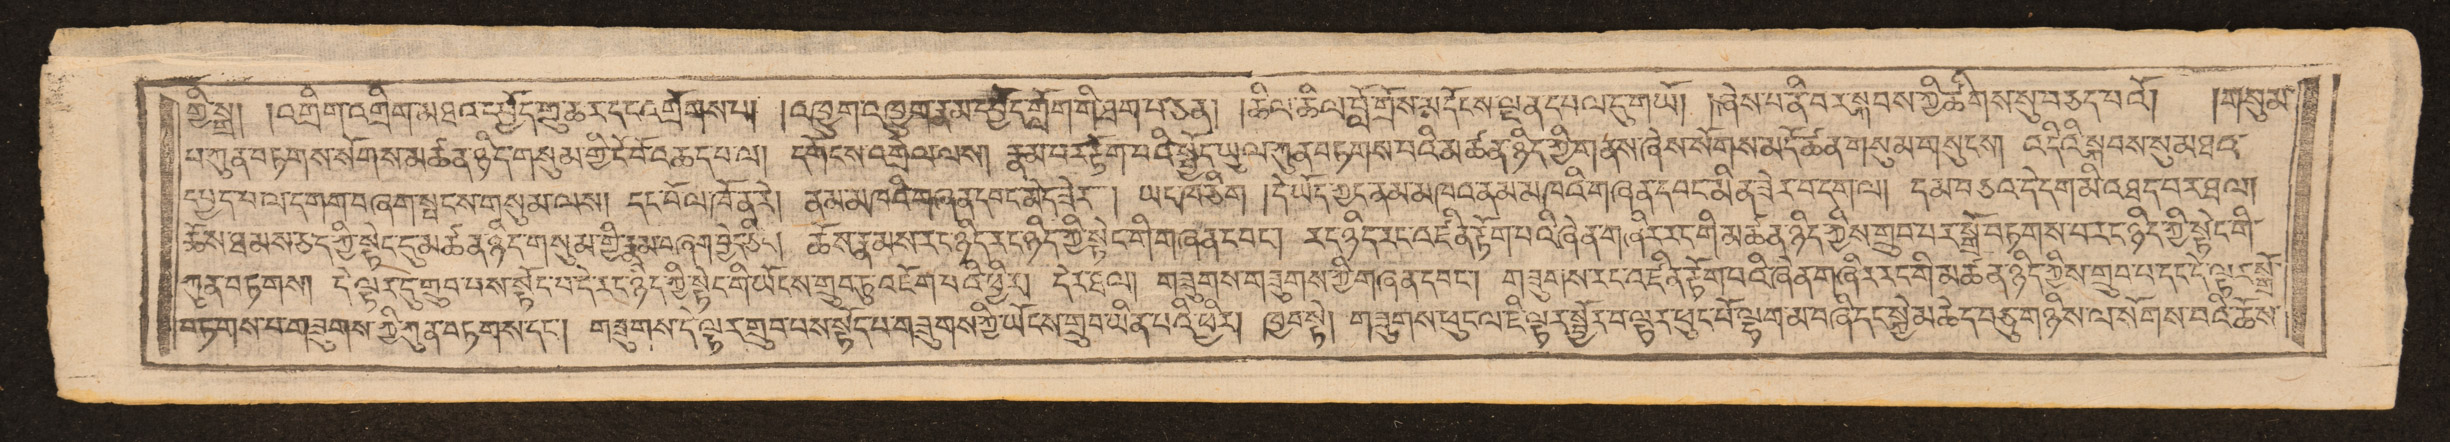གྱི་སྒྲ། །འགྲིག་འགྲིག་མཐའ་དཔྱོད་གྲུ་ཆར་དང་འགྲོགས་པ། །འཁྱུག་འཁྱུག་རྣམ་དཔྱོད་གློག་གི་ཐག་པ་ཅན། །ཆིལ་ཆིལ་བློ་གྲོས་མདོངས་ལྡན་དཔལ་དུ་གཡོ། །ཞེས་པ་ནི་བར་སྐབས་ཀྱི་ཚིགས་སུ་བཅད་པའོ། །གསུམ་
པ་ཀུན་བཏགས་སོགས་མཚན་ཉིད་གསུམ་གྱི་ངོ་བོ་འཆད་པ་ལ། དགོངས་འགྲེལ་ལས། རྣམ་པར་རྟོག་པའི་སྤྱོད་ཡུལ་ཀུན་བཏགས་པའི་མཚན་ཉིད་ཀྱི་གནས་ཞེས་སོགས་མདོ་ཚན་གསུམ་གསུངས། འདིའི་སྐབས་སུ་མཐའ་
དཔྱད་པ་ལ་དགག་བཞག་སྤངས་གསུམ་ལས། དང་པོ་ལ་ཁོ་ན་རེ། ནམ་མཁའི་གཞན་དབང་མེད་ཟེར། ཡང་ཁ་ཅིག །དེ་ཡོད་ཀྱང་ནམ་མཁའ་ནམ་མཁའི་གཞན་དབང་མིན་ཟེར་བ་དག་ལ། དམ་བཅའ་འདི་དག་མི་འཐད་པར་ཐལ།
ཆོས་ཐམས་ཅད་ཀྱི་སྟེང་དུ་མཚན་ཉིད་གསུམ་གྱི་རྣམ་བཞག་བྱེད་ཅིང་། ཆོས་རྣམས་རང་ཉིད་རང་ཉིད་ཀྱི་སྟེང་གི་གཞན་དབང་། རང་ཉིད་རང་འཛིན་རྟོག་པའི་ཞེན་གཞིར་རང་གི་མཚན་ཉིད་ཀྱིས་གྲུབ་པར་སྒྲོ་བཏགས་པ་རང་ཉིད་ཀྱི་སྟེང་གི་
ཀུན་བཏགས། དེ་ལྟར་དུ་གྲུབ་པས་སྟོང་བ་དེ་རང་ཉིད་ཀྱི་སྟེང་གི་ཡོངས་གྲུབ་ཏུ་འཇོག་པའི་ཕྱིར། དེར་ཐལ། གཟུགས་གཟུགས་ཀྱི་གཞན་དབང་། གཟུགས་རང་འཛིན་རྟོག་པའི་ཞེན་གཞིར་རང་གི་མཚན་ཉིད་ཀྱིས་གྲུབ་པ་དང་དེ་ལྟར་སྒྲོ་
བཏགས་པ་གཟུགས་ཀྱི་ཀུན་བཏགས་དང་། གཟུགས་དེ་ལྟར་གྲུབ་པས་སྟོང་པ་གཟུགས་ཀྱི་ཡོངས་གྲུབ་ཡིན་པའི་ཕྱིར། ཁྱབ་སྟེ། གཟུགས་ཕུང་ལ་ཇི་ལྟར་སྦྱོར་བ་ལྟར་ཕུང་པོ་ལྷག་མ་བཞི་དང་སྐྱེ་མཆེད་བཅུ་གཉིས་ལ་སོགས་པའི་ཆོས་